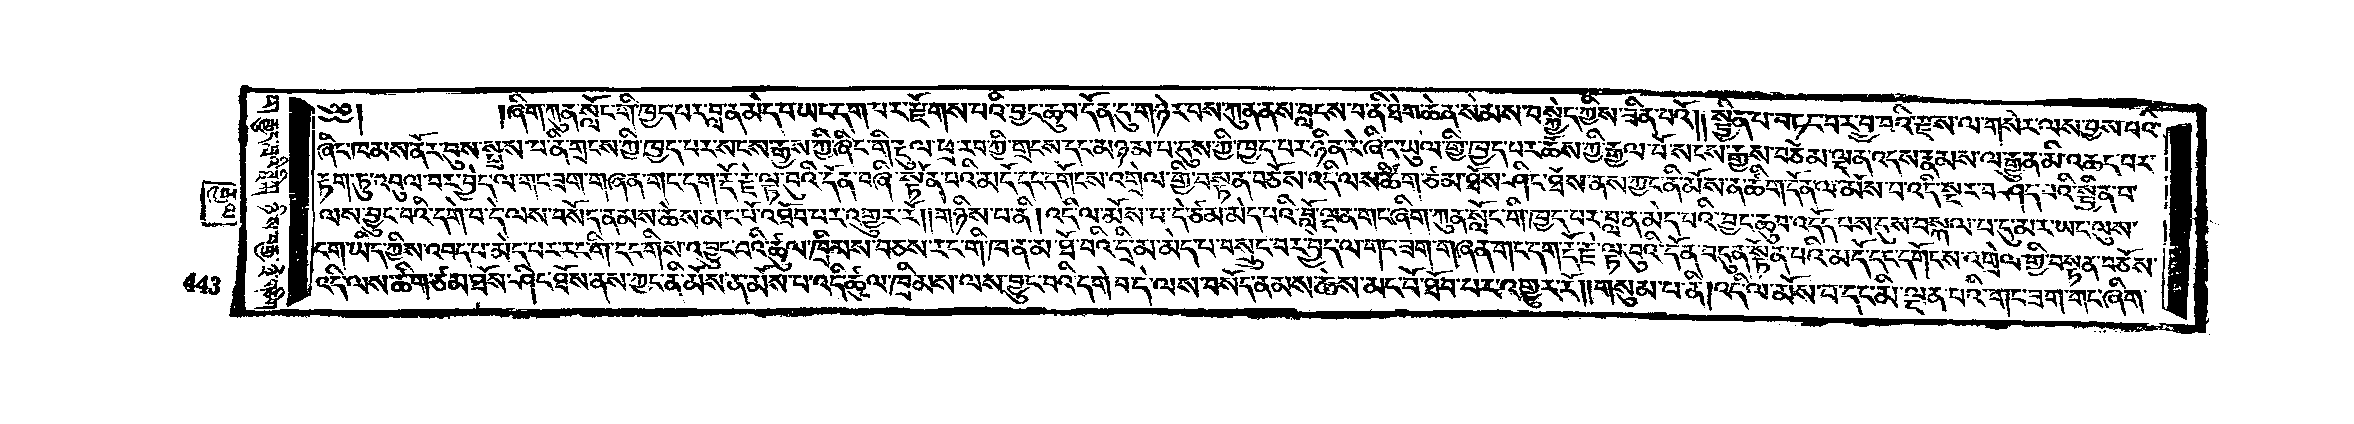༄༅། །ཞིག་ཀུན་སློང་གི་ཁྱད་པར་བླ་ན་མེད་པ་ཡང་དག་པར་རྫོགས་པའི་བྱང་ཆུབ་དོན་དུ་གཉེར་བས་ཀུན་ནས་བླངས་བ་ནི་ཐེག་ཆེན་སེམས་བསྐྱེད་ཀྱིས་ཟིན་པའོ། །སྦྱིན་པ་བཏང་བར་བྱ་བའི་རྫས་ལ་གསེར་ལས་བྱས་པའི་
ཞིང་ཁམས་ནོར་བུས་སྤྲས་པ་ནི་གྲངས་ཀྱི་ཁྱད་པར་སངས་རྒྱས་ཀྱི་ཞིང་གི་རྡུལ་ཕྲ་རབ་ཀྱི་གྲངས་དང་མཉམ་པ་དུས་ཀྱི་ཁྱད་པར་ཉིན་རེ་ཞིང་ཡུལ་གྱི་ཁྱད་པར་ཆོས་ཀྱི་རྒྱལ་པོ་སངས་རྒྱས་བཅོམ་ལྡན་འདས་རྣམས་ལ་རྒྱུན་མི་འཆང་བར་
རྟག་ཏུ་འབུལ་བར་བྱེད་ལ་གང་ཟག་གཞན་གང་དག་རྡོ་རྗེ་ལྟ་བུའི་དོན་བཞི་སྟོན་པའི་མདོ་དང་དགོངས་འགྲེལ་གྱི་བསྟན་བཅོས་འདི་ལས་ཚིག་ཙམ་ཐོས་ཤིང་ཐོས་ནས་ཀྱང་ནི་མོས་ན་ཚིག་དོན་ལ་མོས་པ་འདི་སྔར་བཤད་པའི་སྦྱིན་པ་
ལས་བྱུང་བའི་དགེ་བ་དེ་ལས་བསོད་ནམས་ཆེས་མང་པོ་འཐོབ་པར་འགྱུར་རོ། །གཉིས་པ་ནི། འདི་ལ་མོས་པ་དེ་ཙམ་མེད་པའི་བློ་ལྡན་གང་ཞིག་ཀུན་སློང་གི་ཁྱད་པར་བླ་ན་མེད་པའི་བྱང་ཆུབ་འདོད་པས་དུས་བསྐལ་པ་དུ་མར་ཡང་ལུས་
ངག་ཡིད་ཀྱིས་འབད་པ་མེད་པར་རང་གི་དང་གིས་འབྱུང་བའི་ཚུལ་ཁྲིམས་བཅས་རང་གི་ཁ་ན་མ་ཐོ་བའི་དྲི་མ་མེད་པ་བསྲུང་བར་བྱད་ལ་གང་ཟག་གཞན་གང་དག་རྡོ་རྗེ་ལྟ་བུའི་དོན་བདུན་སྟོན་པའི་མདོ་དང་དགོངས་འགྲེལ་གྱིས་བསྟན་བཅོས་
འདི་ལས་ཚིག་ཙམ་ཐོས་ཤིང་ཐོས་ནས་ཀྱང་ནི་མོས་ན་མོས་པ་འདི་ཚུལ་ཁྲིམས་ལས་བྱུང་བའི་དགེ་བ་དེ་ལས་བསོད་ནམས་ཆེས་མང་པོ་ཐོབ་པར་འགྱུར་རོ། །གསུམ་པ་ནི། འདི་ལ་མོས་པ་དང་མི་ལྡན་པའི་གང་ཟག་གང་ཞིག་